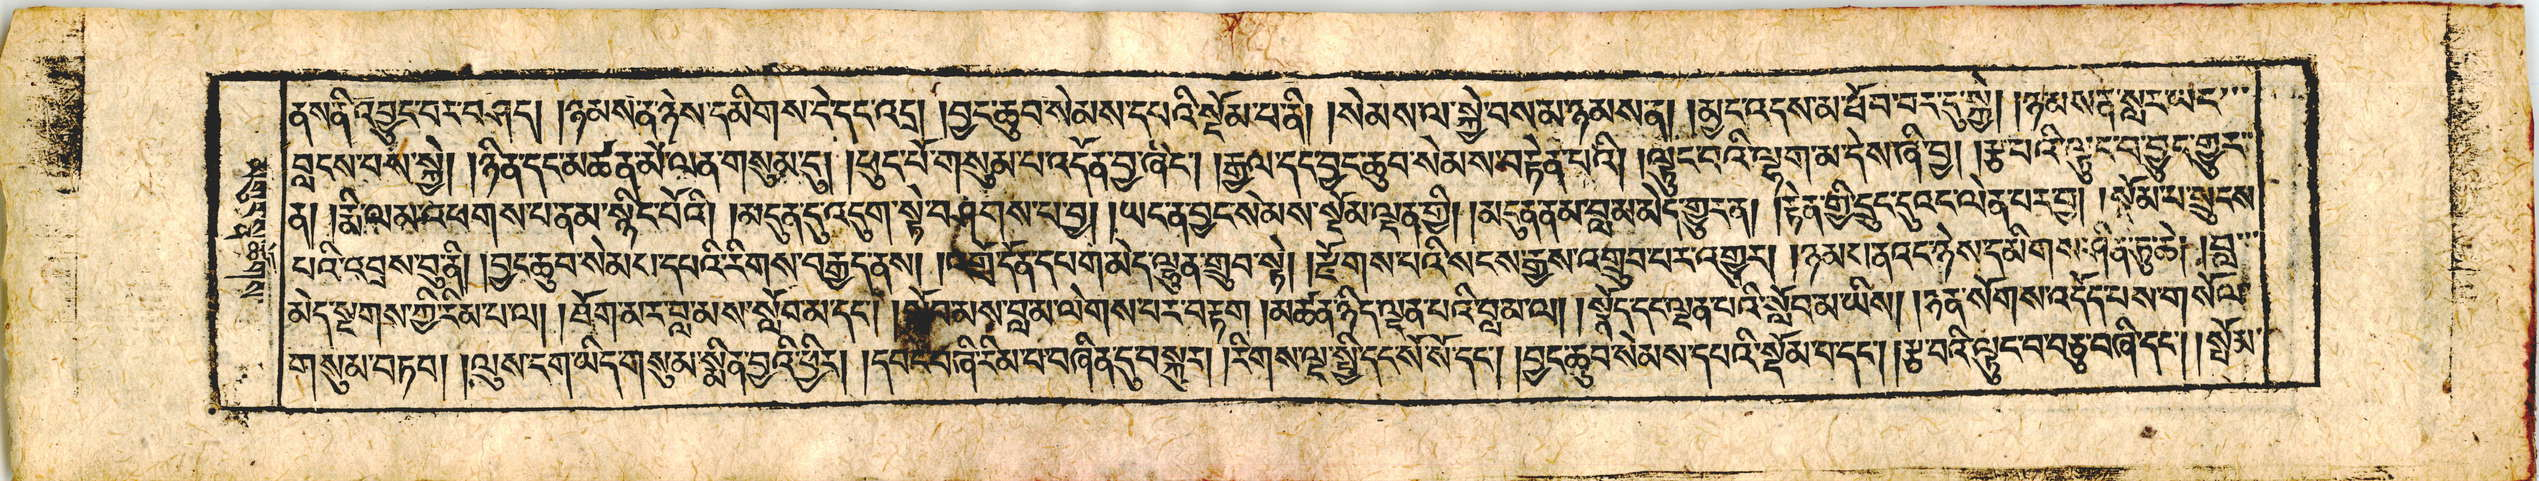ནས་ནི་འབྱུང་བར་བཤད། །ཉམས་ན་ཉེས་དམིགས་དེ་དང་འདྲ། །བྱང་ཆུབ་སེམས་དཔའི་སྡོམ་པ་ནི། །སེམས་ལ་སྐྱེ་བས་མ་ཉམས་ན། །མྱང་འདས་མ་ཐོབ་བར་དུ་སྐྱེ། །ཉམས་ན་སླར་ཡང་
བླངས་པས་སྐྱེ། །ཉིན་དང་མཚན་མ་ལན་གསུམ་དུ། །ཕུང་པོ་གསུམ་པ་འདོན་བྱ་ཞིང་། །རྒྱལ་དང་བྱང་ཆུབ་སེམས་བརྟེན་པའི། །ལྟུང་བའི་ལྷག་མ་དེས་ཞི་བྱ། །རྩ་བའི་ལྟུང་བ་བྱུང་གྱུར་
ན། །རྨི་ལམ་འཕགས་པ་ནམ་སྙིང་པོའི། །མདུན་དུ་འདུག་སྟེ་བཤགས་པ་བྱ། །ཡང་ན་བྱང་སེམས་སྡོམ་ལྡན་གྱི། །མདུན་ནམ་བླ་མ་མེད་གྱུར་ན། རྟེན་གྱི་དྲུང་དུའང་ལེན་པར་བྱ། །སྡོམ་པ་བསྲུངས་
པའི་འབྲས་བུ་ནི། །བྱང་ཆུབ་སེམས་དཔའི་རིགས་བརྒྱད་ནས། །འགྲོ་དོན་དཔག་མེད་ལྷུན་གྲུབ་སྟེ། །རྫོགས་པའི་སངས་རྒྱས་འགྲུབ་པར་འགྱུར། །ཉམ་ང་ནའང་ཉེས་དམིགས་ཤིན་ཏུ་ཆེ། །བླ་
མེད་སྔགས་ཀྱི་རིམ་པ་ལ། །ཐོག་མར་བླ་མས་སློབ་མ་དང་། སློབ་མས་བླ་མ་ལེགས་པར་བརྟག །མཚན་ཉིད་ལྡན་པའི་བྲམ་ཟེ་ལ། ། སྣོད་དང་ལྡན་པའི་སློབ་མ་ཡིས། །ཉན་སོགས་འདོད་པས་གསོལ་
གསུམ་བཏབ། །ལུས་ངག་ཡིད་གསུམ་སྨིན་བྱའི་ཕྱིར། །དབང་བཞི་རིམ་པ་བཞིན་དུ་བསྐུར། །རིགས་ལྔ་སྤྱི་དང་སོ་སོ་དང་། །བྱང་ཆུབ་སེམས་དཔའི་སྡོམ་པ་དང་། །རྩ་བའི་ལྟུང་བ་བཅུ་བཞི་དང་། །སྤོམ་